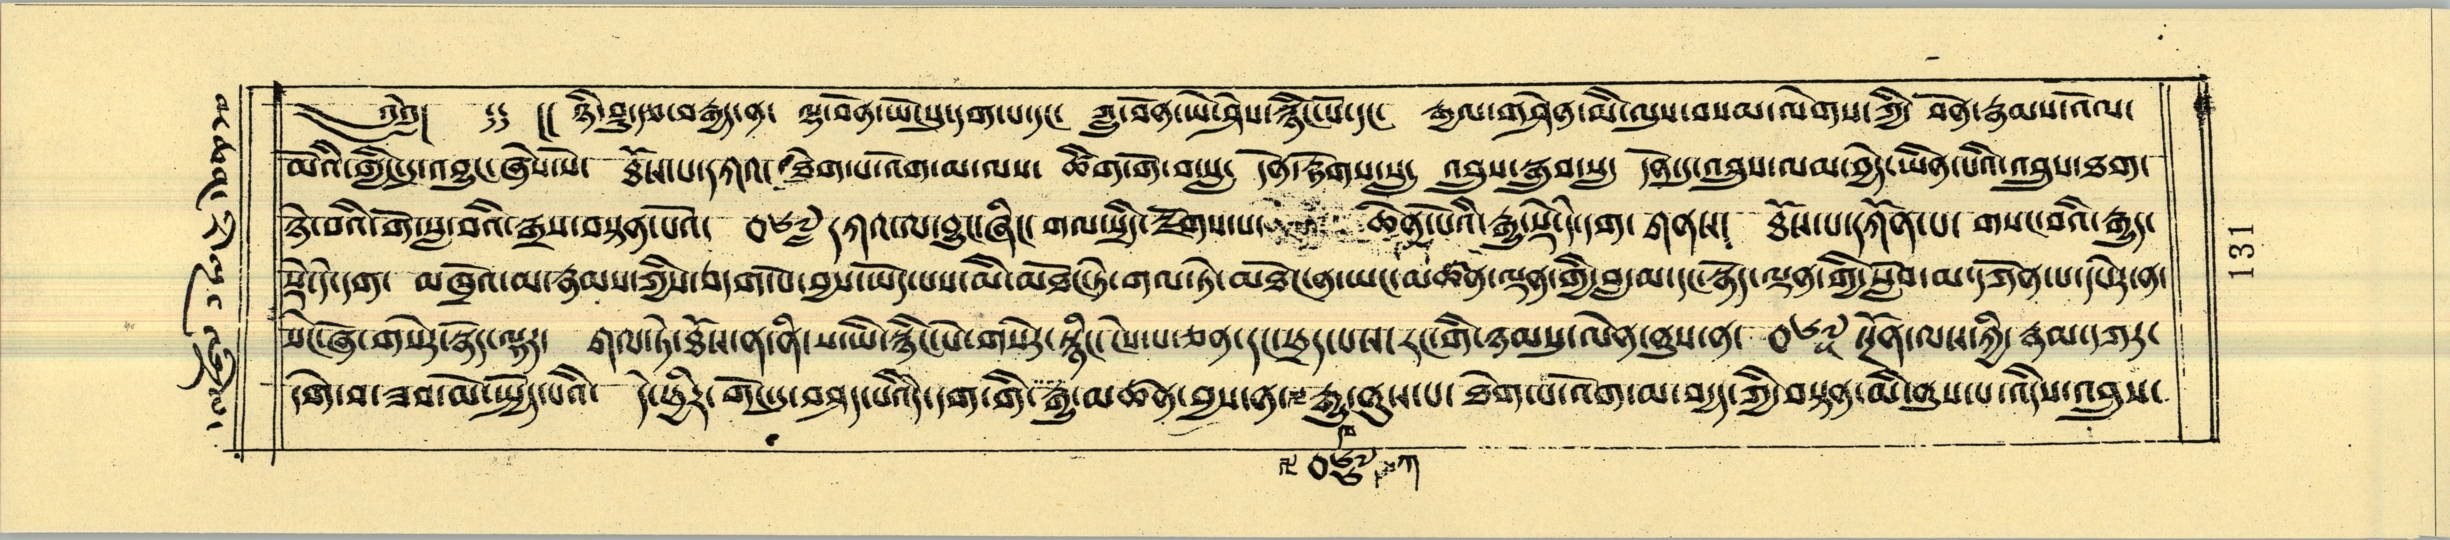ཉི་ཤུ་རྩ་བརྒྱད་ན། ལྷ་བོན་ཡོངས་སུ་དག་པ་དང་། ཀླུ་བོན་ཡེ་ཤེས་སྙིང་པོ་དང་། རྒྱལ་གཤེན་མི་ལུས་བསམ་ལེགས་ཀྱི། བོན་རྣམས་འོལ་
མོ་གླིང་དུ་འབྱུང་། ཞེས་སོ།༼ཐོས་པ་དཀའ༽ཐེག་པ་འོག་མ་ལས། ཚིག་གོ་བ་སླ། དོན་རྟོགས་སླ། འབྲས་བུ་བསྒྲུབ་སླ། དོན་དུ་འབྲས་བུ་ལམ་བྱེད་ཡིན་པའི་འབྲས་བུ་ཐག་
ཉེ་བའི་གོ་སླ་བའི་སྒྲས་བསྟན་པའོ། བ༦༧།༤༼དཀའ་ལ་བྱུང་ཞིང༽གལ་སྲིད་རྫོགས་པ་ཆེན་པོའི་རྒྱུད་སྡེ་དེ་དག་༼གནས༽༼ཐོས་པ་དཀོན་པ༽གསང་བའི་རྒྱུད་
སྡེ་དེ་དག། མཁའ་འགྲོ་མ་རྣམས་ཀྱིས་བདག་པོ་བྱས་ཡོད་པས་མི་མཐོང་སྟེ་གལ་ཏེ་མཐོང་ན་ཡང་མཚན་ལྡན་གྱི་བླ་མ་དང་སྣོད་ལྡན་གྱི་སློབ་མ་དཀོན་པ་དཔེར་ན་
སེང་ཞོ་གསེར་སྣོད་ལྟར་༼གལ་ཏེ་ཐོས་ན་ནི༽ས་ཡི་སྙིང་པོ་གསེར་༼སྙིང་༽ངེས་པ་ཅན་༼དང་འཕྲད་པས༽རང་གི་ཉམས་སུ་ལེན་ནུས་ན། བ༦༧།༥༼སྔོན་ལས་ཀྱི༽རྣམ་དཀར་
དགེ་བ་ཟབ་མོ་སྤྱོད་པའི་༼དེ་ཕྱིར༽གོང་དུ་བཤད་པའི་དེ་དག་གི་རྒྱུ་མཚན་བྱས་ན་བ༦༧།༦༼རྒྱུ་ནུས་པ༽ཐེག་པ་འོག་མ་བརྒྱད་ཀྱི་བསྟན་མི་ནུས་པ་འདིས་འབྲས་བུ་